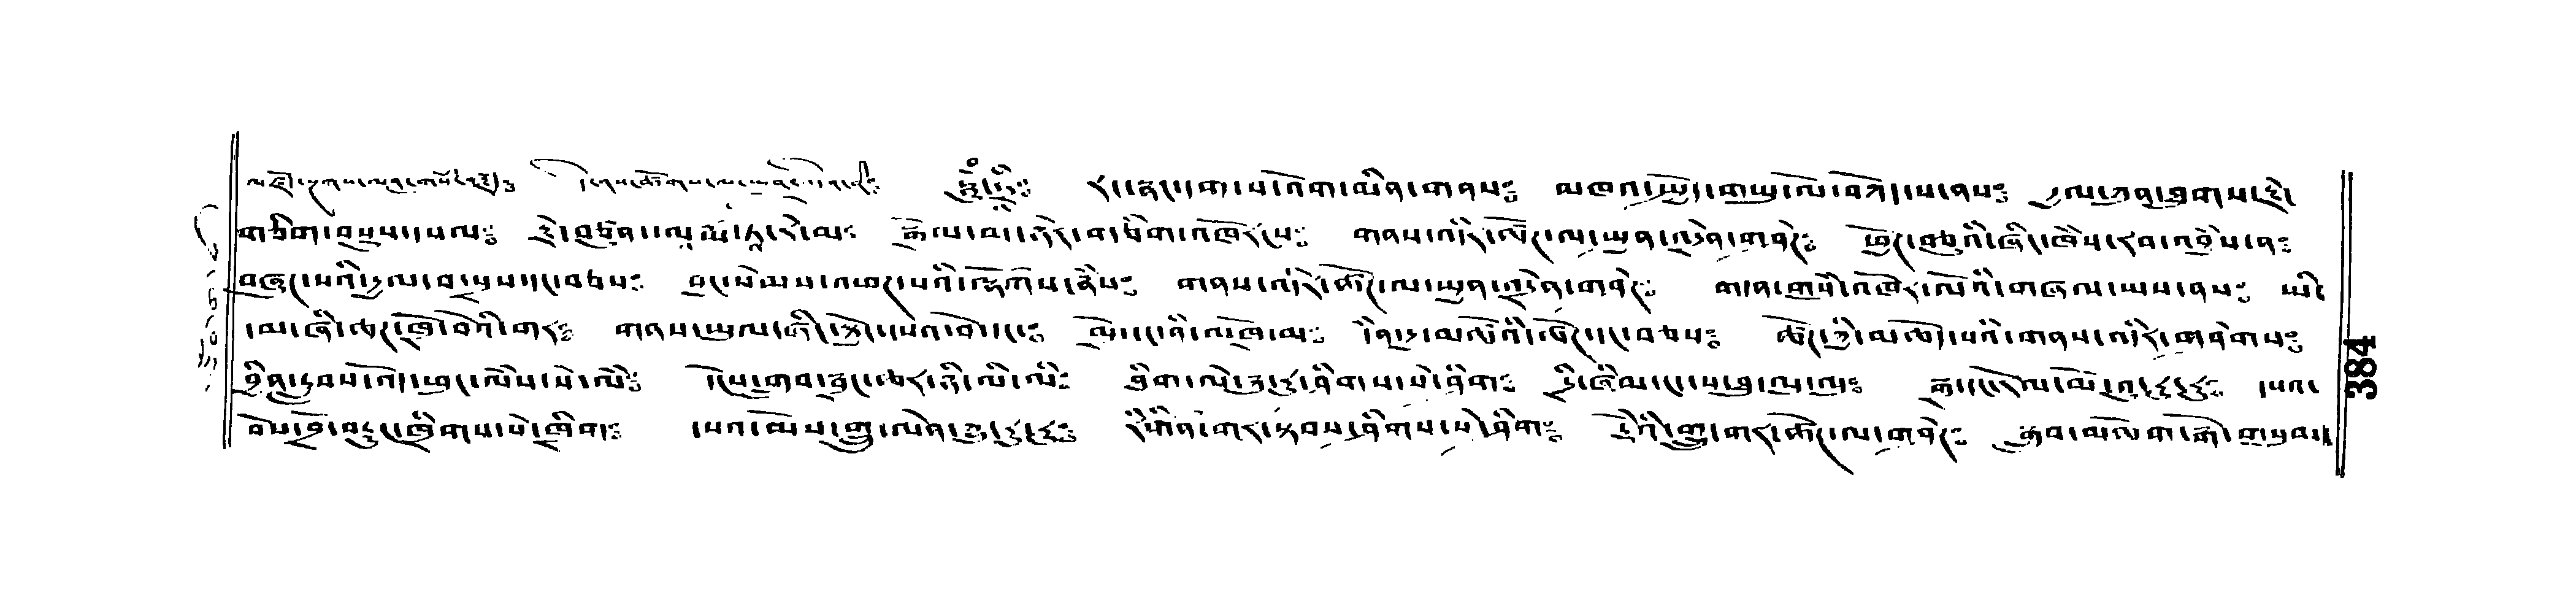ནམ་མཛོད་སྔགས་ལན་གསུམ་བརྗོད༔ དེ་ནས་ཚོགས་ལ་སྤྱན་འདྲེན་ནི༔ ཧཱུྃ་ཧྲཱིཿ རང་སྣང་དག་པ་འོག་མིན་གནསཿ མཁའ་སྤྱོད་གཡུ་ལོ་བཀོད་པ་ནས༔ རྒྱལ་ཀུན་ཐུགས་རྗེ་
གཅིག་བསྡུས་དཔལ༔ རྗེ་བཙུན་ཨཱརྻ་ཏཱ་རེ་མ༔ སྒྲོལ་མ་ཉེར་གཅིག་འཁོར་དང་བཅས༔ གནས་འདིར་ཚོགས་ལ་སྤྱན་འདྲེན་གཤེགས༔ ཕྱོགས་བཅུའི་ཞིང་ཁམས་རབ་འབྱམས་ན༔ 
བཞུགས་པའི་རྒྱལ་བ་སྲས་དང་བཅས༔ བྱང་སེམས་འཕགས་པའི་ལྷ་ཚོགས་རྣམས༔ གནས་འདིར་ཚོགས་ལ་སྤྱན་འདྲེན་གཤེགས༔ གདན་གསུམ་འཁོར་ལོའི་གཞལ་ཡས་ནས༔ ཡི་
དམ་ཞི་ཆགས་ཁྲོ་བོའི་གར༔ གནས་ཡུལ་ཞིང་སྐྱོང་དཔའ་བོ་དང༔ མཁའ་འགྲོ་དང་ནི་མཁའ་འགྲོ་མ༔ དམ་ཅན་རྒྱ་མཚོའི་ཚོགས་དང་བཅས༔ ཚོགས་ཀྱི་མཆོད་པའི་གནས་འདིར་གཤེགས༔ 
བྱིན་རླབས་འོད་ཕུང་ལམས་སེ་ལམ༔ དངོས་གྲུབ་སྦྲང་ཆར་ཉི་ལི་ལི༔ ཐིག་ལེ་སྐུ་རུ་ཤིགས་སེ་ཤིག༔ དྲི་ཞིམ་ངད་པ་ཐུ་ལུ་ལུ༔ སྒྲ་དང་རོལ་མོ་འུ་རུ་རུ༔ དཔའ་བོས་བྲོ་རྡུང་ཁྲེིགས་སེ་ཁྲིག༔ དཔའ་
མོས་གླུ་ལེན་ཀྱུ་རུ་རུ༔ རིག་འཛིན་གར་སྟབས་ཤིགས་སེ་ཤིག༔ རྡོ་རྗེའི་གླུ་གར་ཚོགས་ལ་གཤེགས༔ སྒྲུབ་མཆོག་སྒོ་གསུམ་